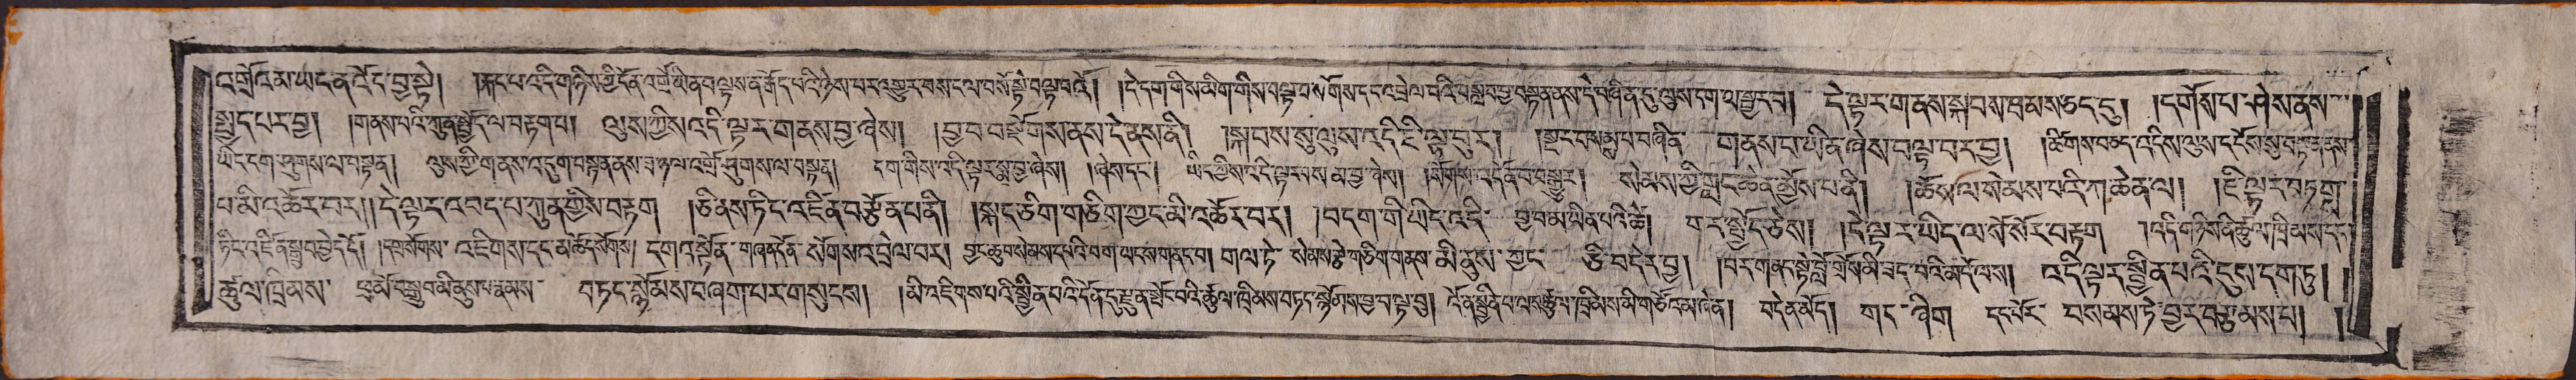འགྲོའམ་ཡང་ན་འོང་བྱ་སྟེ། །རྐང་པ་འདི་གཉིས་ཀྱི་དོན་འགྲོ་ཡིན་བལྟས་ན་རྒོད་པའི་ཉེས་པར་འགྱུར་བས་ངལ་བསོ་སྟེ་བལྟ་བའོ། །དེ་དག་གིས་མིག་གིས་བལྟ་བ་སོགས་དང་འབྲེལ་བའི་བསླབ་བྱ་བསྟན་ནས་དེ་བཞིན་དུ་ལུས་དག་ལ་སྦྱར་བ།  དེ་ལྟར་གནས་སྐབས་ཐམས་ཅད་དུ། །དགོས་པ་ཤེས་ནས་
སྤྱད་པར་བྱ། །གནས་པའི་ཀུན་སྤྱོད་ལ་བརྟག་ཨ།  ལུས་ཀྱིས་འདི་ལྟར་གནས་བྱ་ཞེས། །བྱ་བ་བསྒོགས་ནས་དེ་ནས་ནི། །སྐབས་སུ་ལུས་འདི་ཇི་ལྟ་བུར། །སྔར་བསམས་པ་བཞིན་གནས་པ་ཡིན་ཞེས་བལྟ་བར་བྱ། །ཚིག་བཅད་འདིས་ལུས་དངོས་སུ་བཏན་མ་
ཡིད་ངག་ཤུགས་ལ་བསྟན། ལུས་ཀྱི་གནས་འདུག་བསྟན་ནས་ཟ་ཉལ་འགྲོ་ཤུགས་ལ་བསྟན། ངག་གིས་འདི་ལྟར་སྨྲ་བྱ་ཞེས། །ཞེས་དང་། ཡིད་ཀྱིས་འདི་ལྟར་བསམ་བྱ་ཞེས། །སོགས་དོན་པ་བསྒྱུར། སེམས་ཀྱི་གླང་ཆེན་མྱོས་པ་ནི། །ཆོས་ལ་སེམས་པའི་ཀ་ཆེན་ལ། །ཇི་ལྟར་བཏགས་
པ་མི་འཆོར་བར། །དེ་ལྟར་འབད་པ་ཀུན་གྱིས་བརྟག །ཅི་ནས་ཏིང་འཛིན་བརྩོན་པ་ནི། །སྐད་ཅིག་གཅིག་ཀྱང་མི་འཆོར་བར། །བདག་གི་ཡིད་འདི་བྱ་བ་མ་ཡིན་པའི་ཆ་གར་སྤྱོད་ཅེས། །དེ་ལྟར་ཡིན་ལ་སོ་སོར་བརྟག །འདི་གཉིས་ནི་ཚུལ་ཁྲིམས་དང་
ཏིང་འཛིན་སྒྲུབ་བྱེད་དོ། །དགྲ་སོགས་འཇིགས་དང་མཆོད་སོགས་དགའ་སྟོན་གཞན་དོན་སོགས་འབྲེལ་བར། །བྱང་ཆུབ་སེམས་དཔའི་བག་ཡངས་གནང་བ།  གལ་ཏེ་སེམས་རྩེ་གཅིག་གནས་མི་ནུས་ཀྱང་ཅི་བདེར་བྱ། །བར་གནང་སྟེ་བློ་གྲོས་མི་ཟད་པའི་མདོ་ལས།  འདི་ལྟར་སྦྱིན་པའི་དུས་དག་ཏུ། །
ཚུལ་ཁྲིམས་ཕྲ་མོ་བསྒྲུབ་མི་ནུས་པ་རྣམས་བཏང་སྙོམས་བཞག་པར་གསུངས། །མི་འཇིགས་པའི་སྦྱིན་པའི་དོན་དུ་རྫུན་སྤོང་པའི་ཚུལ་ཁྲིམས་བཏང་སྙོམས་བྱ་བ་ལྟ་བུ། འོ་ན་སྦྱིན་པ་ལས་ཚུལ་ཁྲིམས་མི་གཙོ་འམ་ཞེ་ན། བདེན་མོད།  གང་ཞིག་དང་པོར་བསམས་ཏེ་བྱར་བརྩམས་པ། །